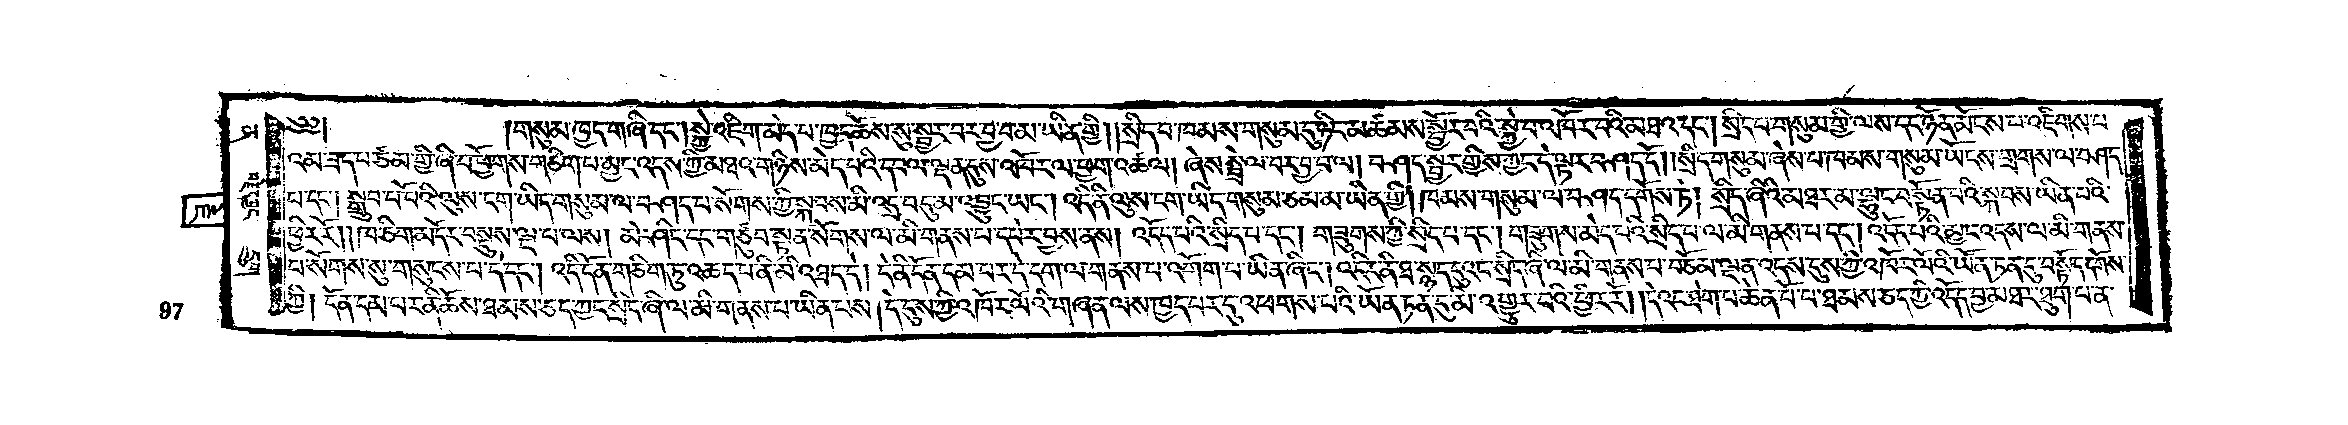༄༅། །གསུམ་ཁྱད་གཞི་དང་། སྐྱེ་འཇིག་མེད་པ་ཁྱད་ཆོས་སུ་སྦྱར་བར་བྱ་བ་མ་ཡིན་གྱི། །སྲིད་པ་ཁམས་གསུམ་དུ་ཉིད་མཚམས་སྦྱོར་བའི་སྐྱེ་བ་འཁོར་བའི་མཐའ་དང་། སྲིད་པ་གསུམ་གྱི་ལས་དང་ཉོན་མོངས་པ་འཇིགས་པ་
འམ་ཟད་པ་ཙམ་གྱི་ཞི་བ་ཕྱོགས་གཅིག་པ་མྱང་འདས་ཀྱི་མཐའ་གཉིས་མེད་པའི་དཔལ་ལྡན་དུས་འཁོར་ལ་ཕྱག་འཚལ། ཞེས་སྦྲེལ་བར་བྱ་བ་ལ། བཤད་སྦྱར་གྱིས་ཀྱང་དེ་ལྟར་བཤད་དོ། །སྲིད་གསུམ་ཞེས་པ་ཁམས་གསུམ་ཡོངས་གྲགས་ལ་བཤད་
པ་དང་། སྒྲུབ་པ་པོའི་ལུས་ངག་ཡིད་གསུམ་ལ་བཤད་པ་སོགས་ཀྱི་སྐབས་མི་འདྲ་བ་དུ་མ་འབྱུང་ཡང་། འདི་ནི་ལུས་ངག་ཡིད་གསུམ་ཙམ་མ་ཡིན་གྱི། ཁམས་གསུམ་ལ་བཤད་དགོས་ཏེ། སྲིད་ཞིའི་མཐར་མ་ལྷུང་བ་སྟོན་པའི་སྐབས་ཡིན་པའི་
ཕྱིར་རོ། །ཁ་ཅིག་མདོར་བསྡུས་ལྔ་པ་ལས། མེ་ཤིང་དང་གཙུབ་སྟན་སོགས་ལ་མི་གནས་པ་དཔེར་བྱས་ནས། འདོད་པའི་སྲིད་པ་དང་། གཟུགས་ཀྱི་སྲིད་པ་དང་། གཟུགས་མེད་པའི་སྲིད་པ་ལ་མི་གནས་པ་དང་། འདོད་པའི་མྱང་འདས་ལ་མི་གནས་
པ་སོགས་སུ་གསུངས་པ་དེ་དང་། འདི་དོན་གཅིག་ཏུ་འཆད་པ་ནི་མི་འཐད་དེ། དེ་ནི་དོན་དམ་པར་དེ་དག་ལ་གནས་པ་འགོག་པ་ཡིན་ཞིང་། འདིར་ནི་ཐ་སྙད་དུའང་སྲིད་ཞི་ལ་མི་གནས་པ་བཅོམ་ལྡན་འདས་དུས་ཀྱི་འཁོར་ལོའི་ཡོན་ཏན་དུ་བསྟོད་དགོས་
ཀྱི། དོན་དམ་པར་ནི་ཆོས་ཐམས་ཅད་ཀྱང་སྲིད་ཞི་ལ་མི་གནས་པ་ཡིན་པས། དེ་དུས་ཀྱི་འཁོར་ལོའི་གཞན་ལས་ཁྱད་པར་དུ་འཕགས་པའི་ཡོན་ཏན་དུ་མི་འགྱུར་བའི་ཕྱིར་རོ། །དེའང་ཐེག་པ་ཆེན་པོ་པ་ཐམས་ཅད་ཀྱི་འདོད་བྱ་མཐར་ཐུག་པ་ནི་